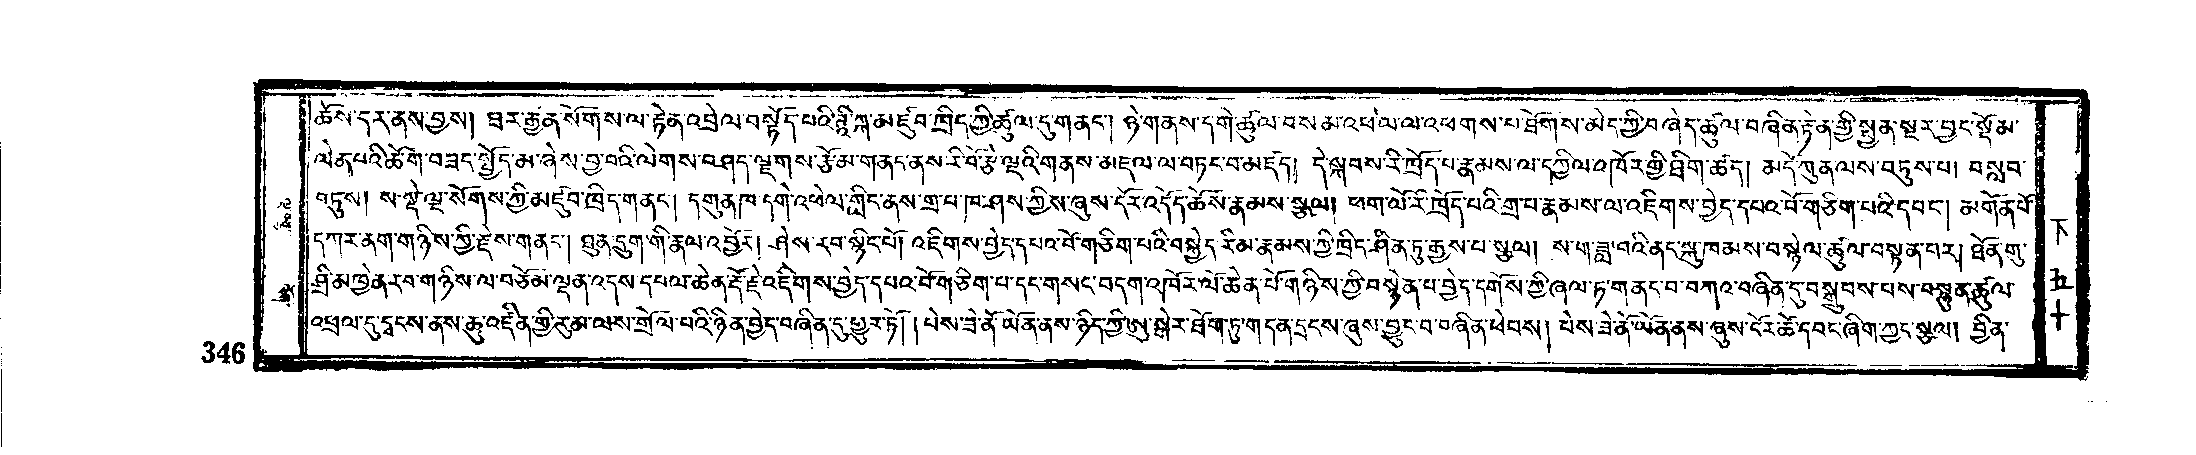ཆོས་དར་ནས་བྱས། ཐར་རྒྱན་སོགས་ལ་རྟེན་འབྲེལ་བསྟོད་པའི་ཊཱིཀྐ་མཛུབ་ཁྲིད་ཀྱི་ཚུལ་དུ་གནང་། ཉེ་གནས་དགེ་ཚུལ་བསམ་འཕེལ་ལ་འཕགས་པ་ཐོགས་མེད་ཀྱི་བཞེད་ཚུལ་བཞིན་རྟེན་གྱི་སྤྱན་སྔར་བྱང་སྡོམ་
ལེན་པའི་ཆོ་ག་བཟང་སྤྱོད་མ་ཞེས་བྱ་བའི་ལེགས་བཤད་ལྗགས་རྩོམ་གནང་ནས་རི་བོ་རྩེ་ལྔའི་གནས་མཇལ་ལ་བཏང་བ་མཛད། དེ་སྐབས་རི་ཁྲོད་པ་རྣམས་ལ་དཀྱིལ་འཁོར་གྱི་ཐིག་ཚད། མདོ་ཀུན་ལས་བཏུས་པ། བསླབ་
བཏུས། ས་སྡེ་ལྔ་སོགས་ཀྱི་མཛུབ་ཁྲིད་གནང་། དགུན་ཁ་དགེ་འཕེལ་གླིང་ནས་གྲ་པ་ཁ་ཤས་ཀྱིས་ཞུས་དོར་འདོད་ཆོས་རྣམས་སྩལ། ཕག་ལོ་རི་ཁྲོད་པའི་གྲ་པ་རྣམས་ལ་འཇིགས་བྱེད་དཔའ་བོ་གཅིག་པའི་དབང་། མགོན་པོ་
དཀར་ནག་གཉིས་ཀྱི་རྗེས་གནང་། ཐུན་དྲུག་གི་རྣལ་འབྱོར། ཤེས་རབ་སྙིང་པོ། འཇིགས་བྱེད་དཔའ་བོ་གཅིག་པའི་བསྐྱེད་རིམ་རྣམས་ཀྱི་ཁྲིད་ཤིན་ཏུ་རྒྱས་པ་སྩལ། ས་ག་ཟླ་བའི་ནང་སྐུ་ཁམས་བསྙེལ་ཚུལ་བསྟན་པར། ཐོན་གུ་
ཤྲི་མཁྱེན་རབ་གཉིས་ལ་བཅོམ་ལྡན་འདས་དཔལ་ཆེན་རྡོ་རྗེ་འཇིགས་བྱེད་དཔའ་བོ་གཅིག་པ་དང་གསང་བདག་འཁོར་ལོ་ཆེན་པོ་གཉིས་ཀྱི་བསྙེན་པ་བྱེད་དགོས་ཀྱི་ཞལ་ཏ་གནང་བ་བཀའ་བཞིན་དུ་བསྒྲུབས་པས་བསྙུན་ཚུལ་
འཕྲལ་དུ་དྭངས་ནས་ཆུ་འཛིན་གྱི་རུམ་ལས་གྲོལ་པའི་ཉིན་བྱེད་བཞིན་དུ་གྱུར་ཏོ། །པེས་ཟེ་ནོ་ཡོན་ནས་ཉིད་ཀྱི་ཨུ་སྒེར་ཐོག་ཏུ་གདན་དྲངས་ཞུས་བྱུང་བ་བཞིན་ཕེབས། པེས་ཟེ་ནོ་ཡོན་ནས་ཞུས་ངོར་ཚེ་དབང་ཞིག་ཀྱང་སྩལ། བྱིན་